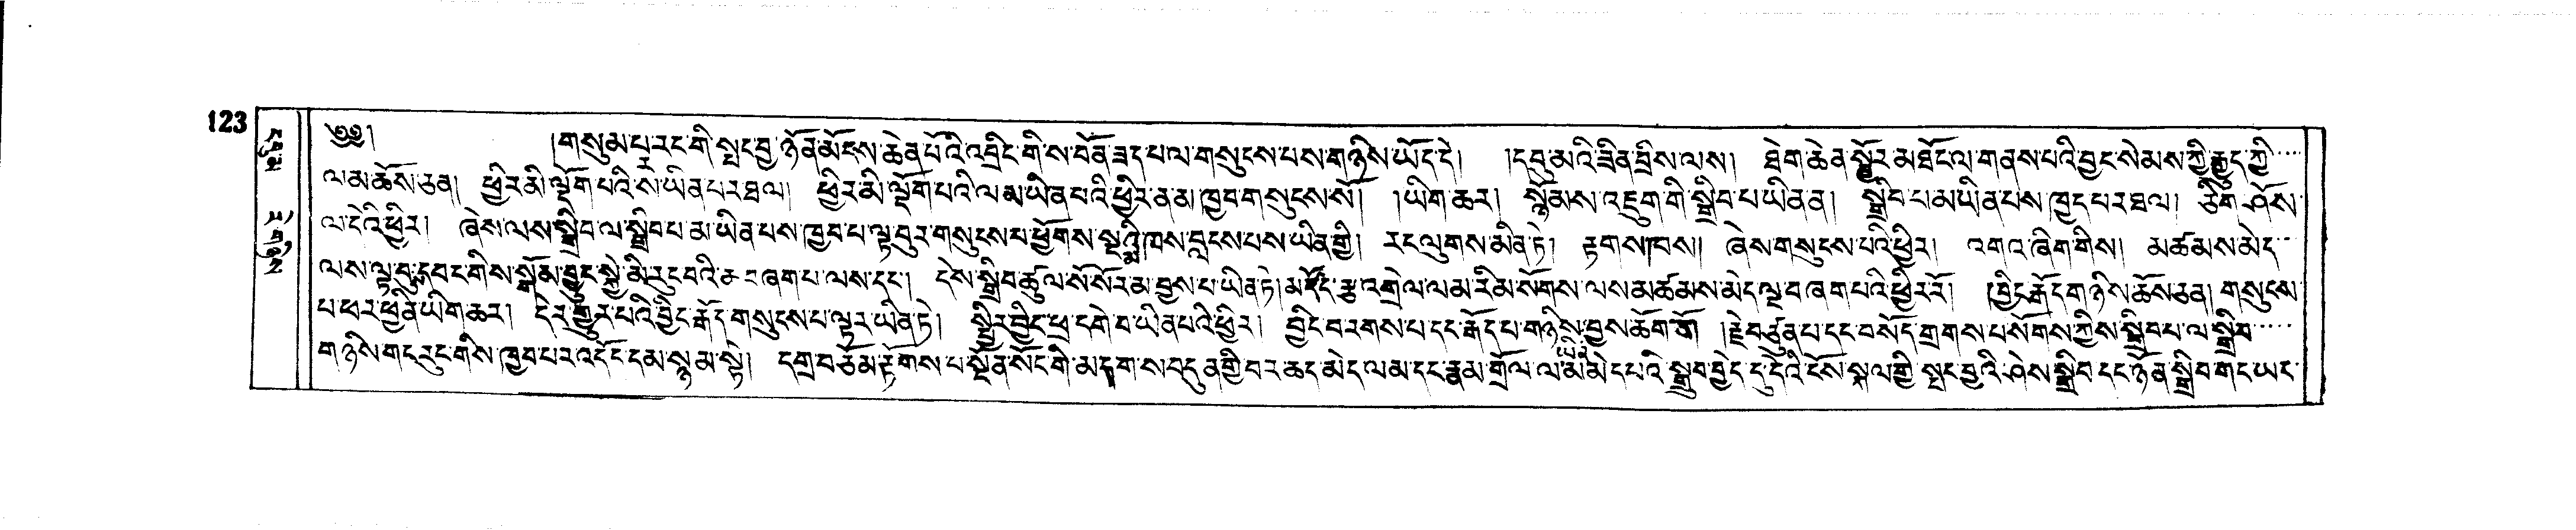༄༅། །གསུམ་པར་རང་གི་སྤང་བྱ་ཉོན་མོངས་ཆེན་པོའི་འབྲིང་གི་ས་བོན་ཟད་པ་ལ་གསུངས་པས་གཉིས་ཡོད་དེ། །དབུ་མའི་ཟིན་བྲིས་ལས། ཐེག་ཆེན་སྦྱོར་མཐོང་ལ་གནས་པའི་བྱང་སེམས་ཀྱི་རྒྱུད་ཀྱི་
ལམ་ཆོས་ཅན། ཕྱིར་མི་ལྡོག་པའི་ས་ཡིན་པར་ཐལ། ཕྱིར་མི་ལྡོག་པའི་ལམ་ཡིན་པའི་ཕྱིར་ན་མ་ཁྱབ་གསུངས་སོ། །ཡིག་ཆར། སྙོམས་འཇུག་གི་སྒྲིབ་པ་ཡིན་ན། སྒྲིབ་པ་མ་ཡིན་པས་ཁྱད་པར་ཐལ། ཅིག་ཤོས་
ལ་དེའི་ཕྱིར། ཞེས་ལས་སྒྲིབ་ལ་སྒྲིབ་པ་མ་ཡིན་པས་ཁྱབ་པ་ལྟ་བུར་གསུངས་པ་ཕྱོགས་སྔ་མའི་ཁས་བླངས་པས་ཡིན་གྱི། རང་ལུགས་མིན་ཏེ། རྟགས་ཁས། ཞེས་གསུངས་པའི་ཕྱིར། འགའ་ཞིག་གིས། མཚམས་མེད་
ལས་ལྟ་བུས་དབང་གིས་སྒོམ་བྱུང་སྐྱེ་མི་རུང་བའི་ཆ་བཞག་པ་ལས་དང་། དེས་སྒྲིབ་ཚུལ་སོ་སོར་མ་བྱས་པ་ཡིན་ཏེ། མཛོད་རྩ་འགྲེལ་ལམ་རིམ་སོགས་ལས་མཚམས་མེད་ལྔ་བཞག་པའི་ཕྱིར་རོ། །བྱིང་རྒོད་གཉིས་ཆོས་ཅན། གསུངས་
པ་ཕར་ཕྱིན་ཡིག་ཆར། དེར་གྱུར་པའི་བྱིང་རྒོད་གསུངས་པ་ལྟར་ཡིན་ཏེ། སྤྱིར་བྱིང་ཕྲ་དགེ་བ་ཡིན་པའི་ཕྱིར། བྱིང་བ་རགས་པ་དང་རྒོད་པ་གཉིས་ཡིན་བྱས་ཆོག་གོ །རྗེ་བཙུན་པ་དང་བསོད་གྲགས་པ་སོགས་ཀྱིས་སྒྲིབ་པ་ལ་སྒྲིབ་
གཉིས་གང་རུང་གིས་ཁྱབ་པར་འདོད་དམ་སྙམ་སྟེ། དགྲ་བཅོམ་རྟོགས་པ་སྔོན་སོང་གི་མདག་ས་བདུན་གྱི་བར་ཆད་མེད་ལམ་དང་རྣམ་གྲོལ་ལ་མ་མེད་པའི་སྒྲུབ་བྱེད་དུ་དེའི་ངོས་སྐལ་གྱི་སྤང་བྱའི་ཤེས་སྒྲིབ་དང་ཉོན་སྒྲིབ་གང་ཡང་